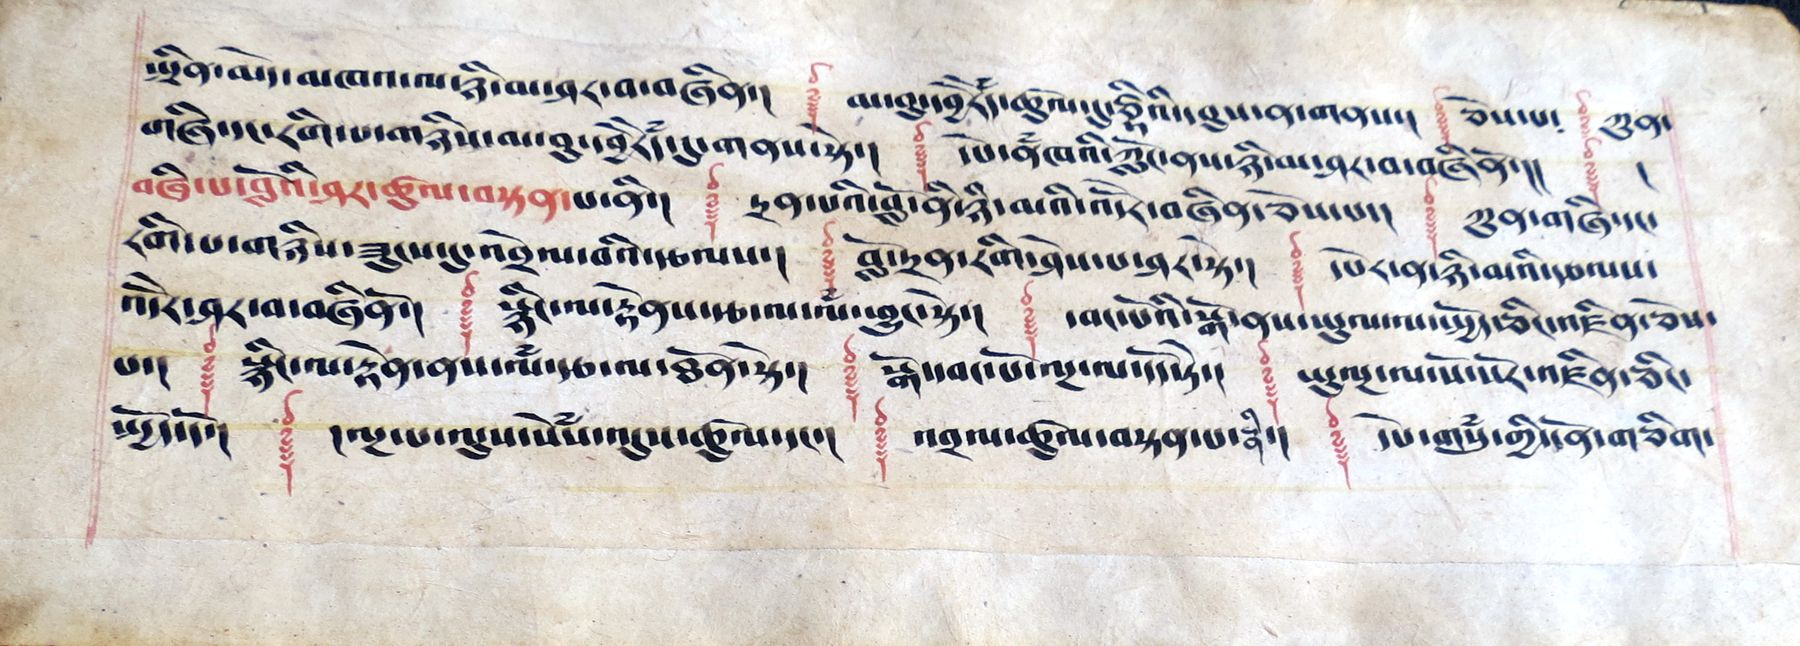སྤྲིན་མེད་མཁའ་ལ་ཉི་མ་ཤར་བ་བཞིན། མ་བུ་དབྱེར་མེད་ཚུལ་དུ་ཙི་ཏའི་དབུས་ན་གནས། །ཞེས་པས་ཀུན་
གཞི་དང་རིག་པ་གཉིས། མ་བུ་དབྱེར་མེད་དུ་གནས་ཏེ། དཔེ་ནམ་མཁའི་ཀློང་ནས་ཉི་མ་ཤར་བ་བཞིན་ནོ། །
བཞི་པ་བློའི་ཤར་ཚུལ་བསྟན་པ་ནི། དྲན་པའི་བློ་ནི་ཉི་མའི་འོད་ཟེར་བཞིན། །ཞེས་པས། ཀུན་གཞི་དང་
རིག་པ་གཉིས་ཟུང་དུ་འབྲེལ་བའི་རྩལ་ལས། བློ་དྲན་རིག་ཤེས་པ་ཤར་ཏེ། དཔེར་ན་ཉི་མའི་རྩལ་ལས་
འོད་ཟེར་ཤར་བ་བཞིན་ནོ། །སྙིང་ལ་བརྟེན་ནས་རྩ་ལ་ལམ་ཕྱུང་སྟེ། དབང་པོའི་སྒོ་ནས་ཡུལ་ལ་གཅོད་ཅིང་འཛིན། །ཞེས་
པས་སྙིང་ལ་བརྟེན་ནས་ལམ་རྩ་ལ་ཐོན་ཏེ། སྒོ་དབང་པོ་ལྔ་ལ་དོད་དེ། ཡུལ་ལྔ་ལ་སོ་སོར་འཛིན་ཅིང་
གཅོད་དོ། །ལྔ་པ་ལུས་སེམས་འདུས་ཚུལ་དང་། འབྲལ་ཚུལ་བསྟན་པ་ནི། དཔེ་གསུམ་གྱིས་དོན་གཅིག་